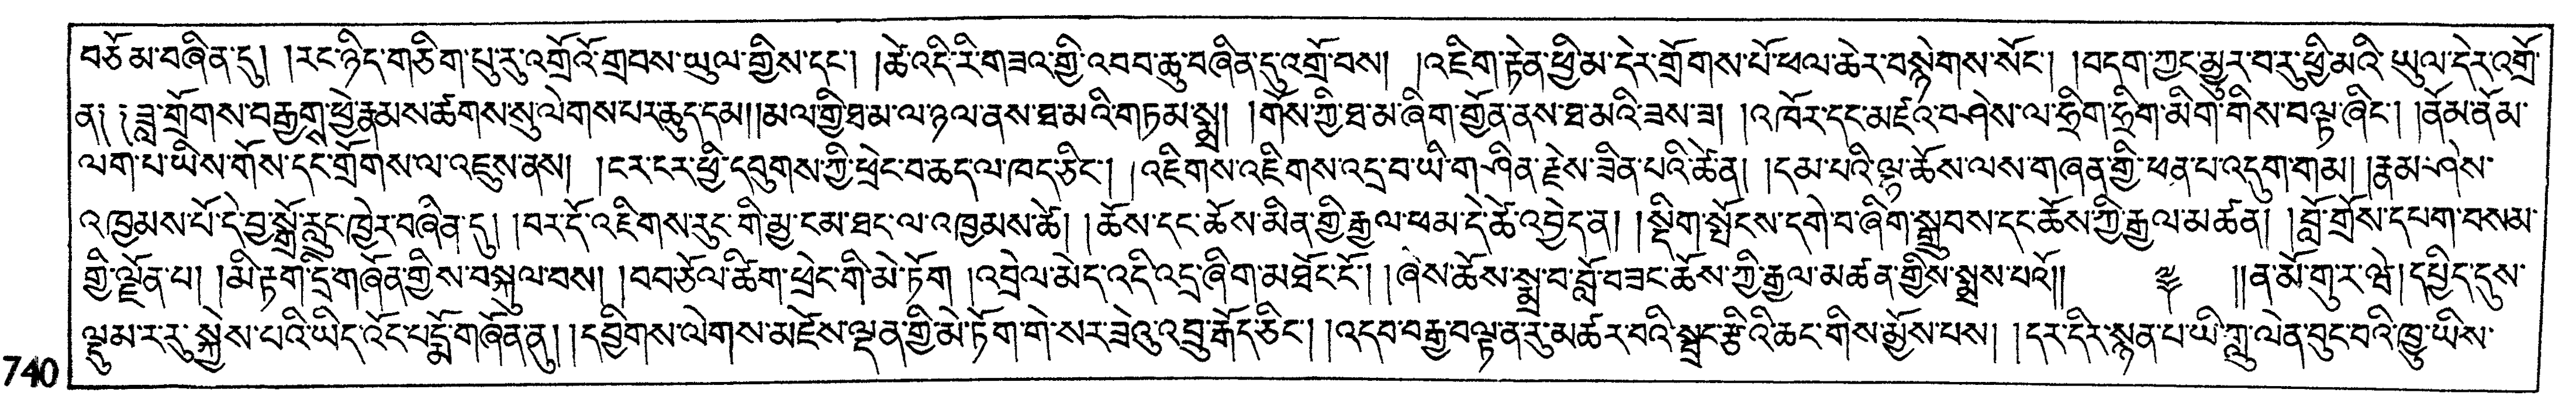བཅོམ་བཞིན་དུ། །རང་ཉིད་གཅིག་པུ་རུ་འགྲོའོ་གྲབས་ཡུལ་གྱིས་དང་། །ཚེ་འདི་རི་གཟའ་གྱི་འབབ་ཆུ་བཞིན་དུ་འགྲོ་བས། །འཇིག་རྟེན་ཕྱི་མ་དེར་གྲོགས་པོ་ཕལ་ཆེར་བསྙེགས་སོང་། །བདག་ཀྱང་མྱུར་བ་རུ་ཕྱི་མའི་ཡུལ་དེར་འགྲོ་
ན༑ ༑ཟླ་གྲོགས་བརྒྱགས་ཕྱེ་རྣམས་ཚགས་སུ་ལེགས་པར་ཆུད་དམ། །མལ་གྱི་ཐ་མ་ལ་ཉལ་ནས་ཐ་མའི་གཏམ་སྨྲ། །གོས་ཀྱི་ཐ་མ་ཞིག་གྱོན་ནས་ཐ་མའི་ཟས་ཟ། །འཁོར་དང་མཛའ་བཤེས་ལ་ཧྲིག་ཧྲིག་མིག་གིས་བལྟ་ཞིང་། །ནོམ་ནོམ་
ལག་པ་ཡིས་གོས་དང་གྲོགས་ལ་འཇུས་ནས། །ངར་ངར་ཕྱི་དབུགས་ཀྱི་ཕྲེང་བ་ཆད་ལ་ཁད་ཅིང་། །འཇིགས་འཇིགས་འདྲ་བ་ཡི་གཤིན་རྗེས་ཟིན་པའི་ཚེ་ན། །དམ་པའི་ལྷ་ཆོས་ལས་གཞན་གྱི་ཕན་པ་འདུག་གམ། །རྣམ་ཤེས་
འཁྱམས་པོ་དེ་བྱ་སྒྲོ་རླུང་ཁྱེར་བཞིན་དུ། །བར་དོ་འཇིགས་རུང་གི་མྱ་ངམ་ཐང་ལ་འཁྱམས་ཚེ། །ཆོས་དང་ཆོས་མིན་གྱི་རྒྱལ་ཕམ་དེ་ཚེ་འབྱེད་ན། །སྡིག་སྤོངས་དགེ་བ་ཞིག་སྒྲུབས་དང་ཆོས་ཀྱི་རྒྱལ་མཚན། །བློ་གྲོས་དཔག་བསམ་
གྱི་ལྗོན་པ། །མི་རྟག་དྲི་གཞོན་གྱིས་བསྐུལ་བས། །བབ་ཅོལ་ཚིག་ཕྲེང་གི་མེ་ཏོག །འབྲེལ་མེད་འདི་འདྲ་ཞིང་མཐོང་ངོ། །ཞེས་ཆོས་སྨྲ་བ་བློ་བཟང་ཆོས་ཀྱི་རྒྱལ་མཚན་གྱིས་སྨྲས་པའོ།། ༈ །།ན་མོ་གུ་ར་ཝེ། དཔྱིད་དུས་
ལྡུམ་ར་རུ་སྐྱེས་པའི་ཡིད་འོང་པདམོ་གཞོན་ནུ། །དབྱིགས་ལེགས་མཛེས་ལྡན་གྱི་མེ་ཏོག་གེ་སར་ཟེའུ་འབྲུ་རྒོད་ཅིང་། །འདབ་བརྒྱ་བལྟ་ན་རུ་མཚར་བའི་སྦྲང་རྩིའི་ཆང་གིས་མྱོས་པས། །དར་དིར་སྙན་པ་ཡི་གླུ་ལེན་བུང་བའི་ཁྱུ་ཡིས་